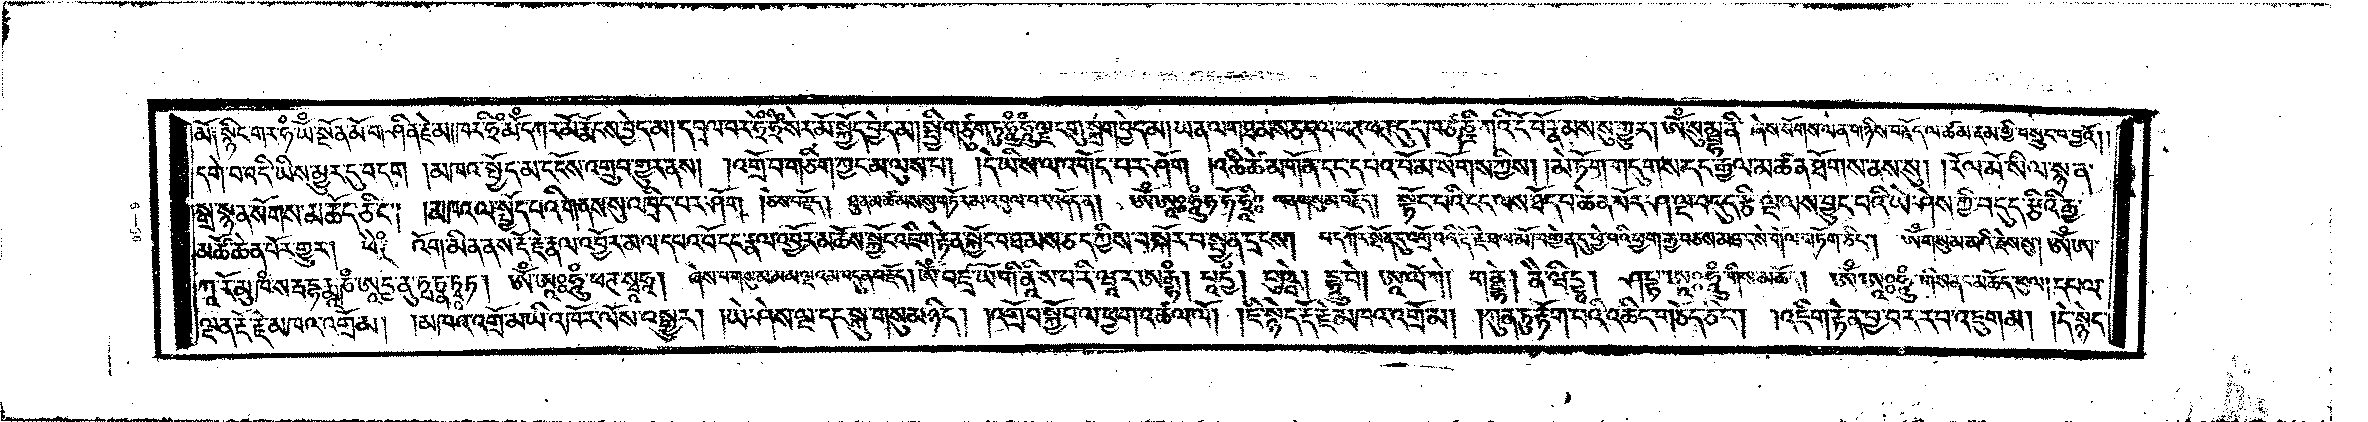མོ༑ སྙིང་གར་ཧཾ་ཡོཾ་སྔོན་མོ་གཤིན་རྗེ་མ། །ཁར་ཧྲིཾ་མོཾ་དཀར་མོ་རྨོངས་བྱེད་མ། དབྲལ་བར་ཧྲེཾ་ཧྲིཾ་སེར་མོ་སྐྱོད་བྱེད་མ། སྤྱི་གཙུག་ཏུ་ཧཱུཾ་ཧཱུཾ་ལྗང་གུ་སྐྲག་བྱེད་མ། ཡན་ལག་ཐམས་ཅད་ལ་ཕཊ་ཕཊ་དུད་ཁ་ཙཎྜི་ཀའི་ངོ་བོ་རྣམས་སུ་གྱུར། ཨོཾ་སུམྦྷ་ནི་ཞེས་སོགས་ལེན་གཉིས་བརྗོད་ལ་ཚམ་རྡམ་གྱི་བསྲུང་བ་བྱའོ།།
དགེ་བ་འདི་ཡིས་མྱུར་དུ་བདག །མཁའ་སྤྱོད་མ་དངོས་འགྲུབ་གྱུར་ནས། །འགྲོ་བ་གཅིག་ཀྱང་མ་ལུས་པ། །དེ་ཡི་ས་ལ་འགོད་པར་ཤོག །འཆི་ཚེ་མགོན་དང་དཔའ་བོ་མ་སོགས་ཀྱིས། །མེ་ཏོག་གདུགས་དང་རྒྱལ་མཚན་ཐོགས་ནས་སུ། །རོལ་མོ་སིལ་སྙན་
སྒྲ་སྙན་སོགས་མཆོད་ཅིང་། །མཁའ་ལ་སྤྱོད་པའི་གནས་སུ་འཁྲིད་པར་ཤོག་།ཅེས་བརྗོད། ཐུན་མཚམས་སུ་གཏོར་མ་འབུལ་བར་འདོད་ན།  ཨོཾ་ཨཱཿཧཱུཾ་ཧ་ཧོ་ཧྲཱིཿ ལན་གསུམ་བརྗོད།  སྟོང་པའི་ངང་ལས་ཐོད་པ་ཆེན་པོར་ཤ་ལྔ་བདུད་རྩི་ལྔ་ལས་བྱུང་བའི་ཡེ་ཤེས་ཀྱི་བདུད་རྩིའི་རྒྱ་
མཚོ་ཆེན་པོར་གྱུར། ཕཻཾ༑ འོག་མིན་ནས་རྡོ་རྗེ་རྣལ་འབྱོར་མ་ལ་དཔའ་བོ་དང་རྣལ་འབྱོར་མཆོས་སྐྱོང་འཇིག་རྟེན་སྐྱོང་བ་ཐམས་ཅད་ཀྱིས་བསྐོར་བ་སྤྱན་དྲངས། པད་ཀོར་སྔོན་དུ་འགྲོ་བའི་རྡོ་རྗེ་ཐལ་མོ་ཁ་གྱེན་དུ་ཕྱེ་བའི་ཕྱག་རྒྱ་བཅས་མཐར་སེ་གོལ་གཏོག་ཅིང་། ཨོཾ་གསུམ་མའི་རྗེས་སུ།  ཨོཾ་ཨ་
ཀཱ་རོ་མུ་ཁཾ་སརྦ་དྷརྨཱ་ཎཾ་ཨཱདྱ་ནུ་ཏྤ་ཏྣ་ཏྭཱ་ཏ། ཨོཾ་ཨཱཿཧཱུཾ་ཕཊ་སྭཱཧཱ། ཞེས་པ་གསུམ་མམ་ལྔའམ་བདུན་བརྗོད།  ཨོཾ་བཛྲ་ཡོ་གི་ནཱི་ས་བ་རི་ཝཱ་ར་ཨརྒྷཾ། པཱདྱཾ། པུཥྤེ། དྷཱུ་པེ། ཨཱ་ལི་ཀེ། གནྡྷེ། ནཻ་ཝིདྱཱ། ཤཔྟ་ཨཱཿཧཱུཾ་གིས་མཆོད།  ཨོཾ་ཨཱཿཧཱུཾ་གིས་ནང་མཆོད་ཕུལ།  དཔལ་
ལྡན་རྡོ་རྗེ་མཁའ་འགྲོ་མ། །མཁའ་འགྲོ་མ་ཡི་འཁོར་ལོས་བསྒྱུར། །ཡེ་ཤེས་ལྔ་དང་སྐུ་གསུམ་ཉིད། །འགྲོ་བ་སྐྱོབ་ལ་ཕྱག་འཚལ་ལོ། །ཇི་སྙེད་རྡོ་རྗེ་མཁའ་འགྲོ་མ། །ཀུན་ཏུ་རྟོག་པའི་འཆིང་གཅོད་ཅིང་། །འཇིག་རྟེན་བྱ་བར་རབ་འཇུག་མ། །དེ་སྙེད་